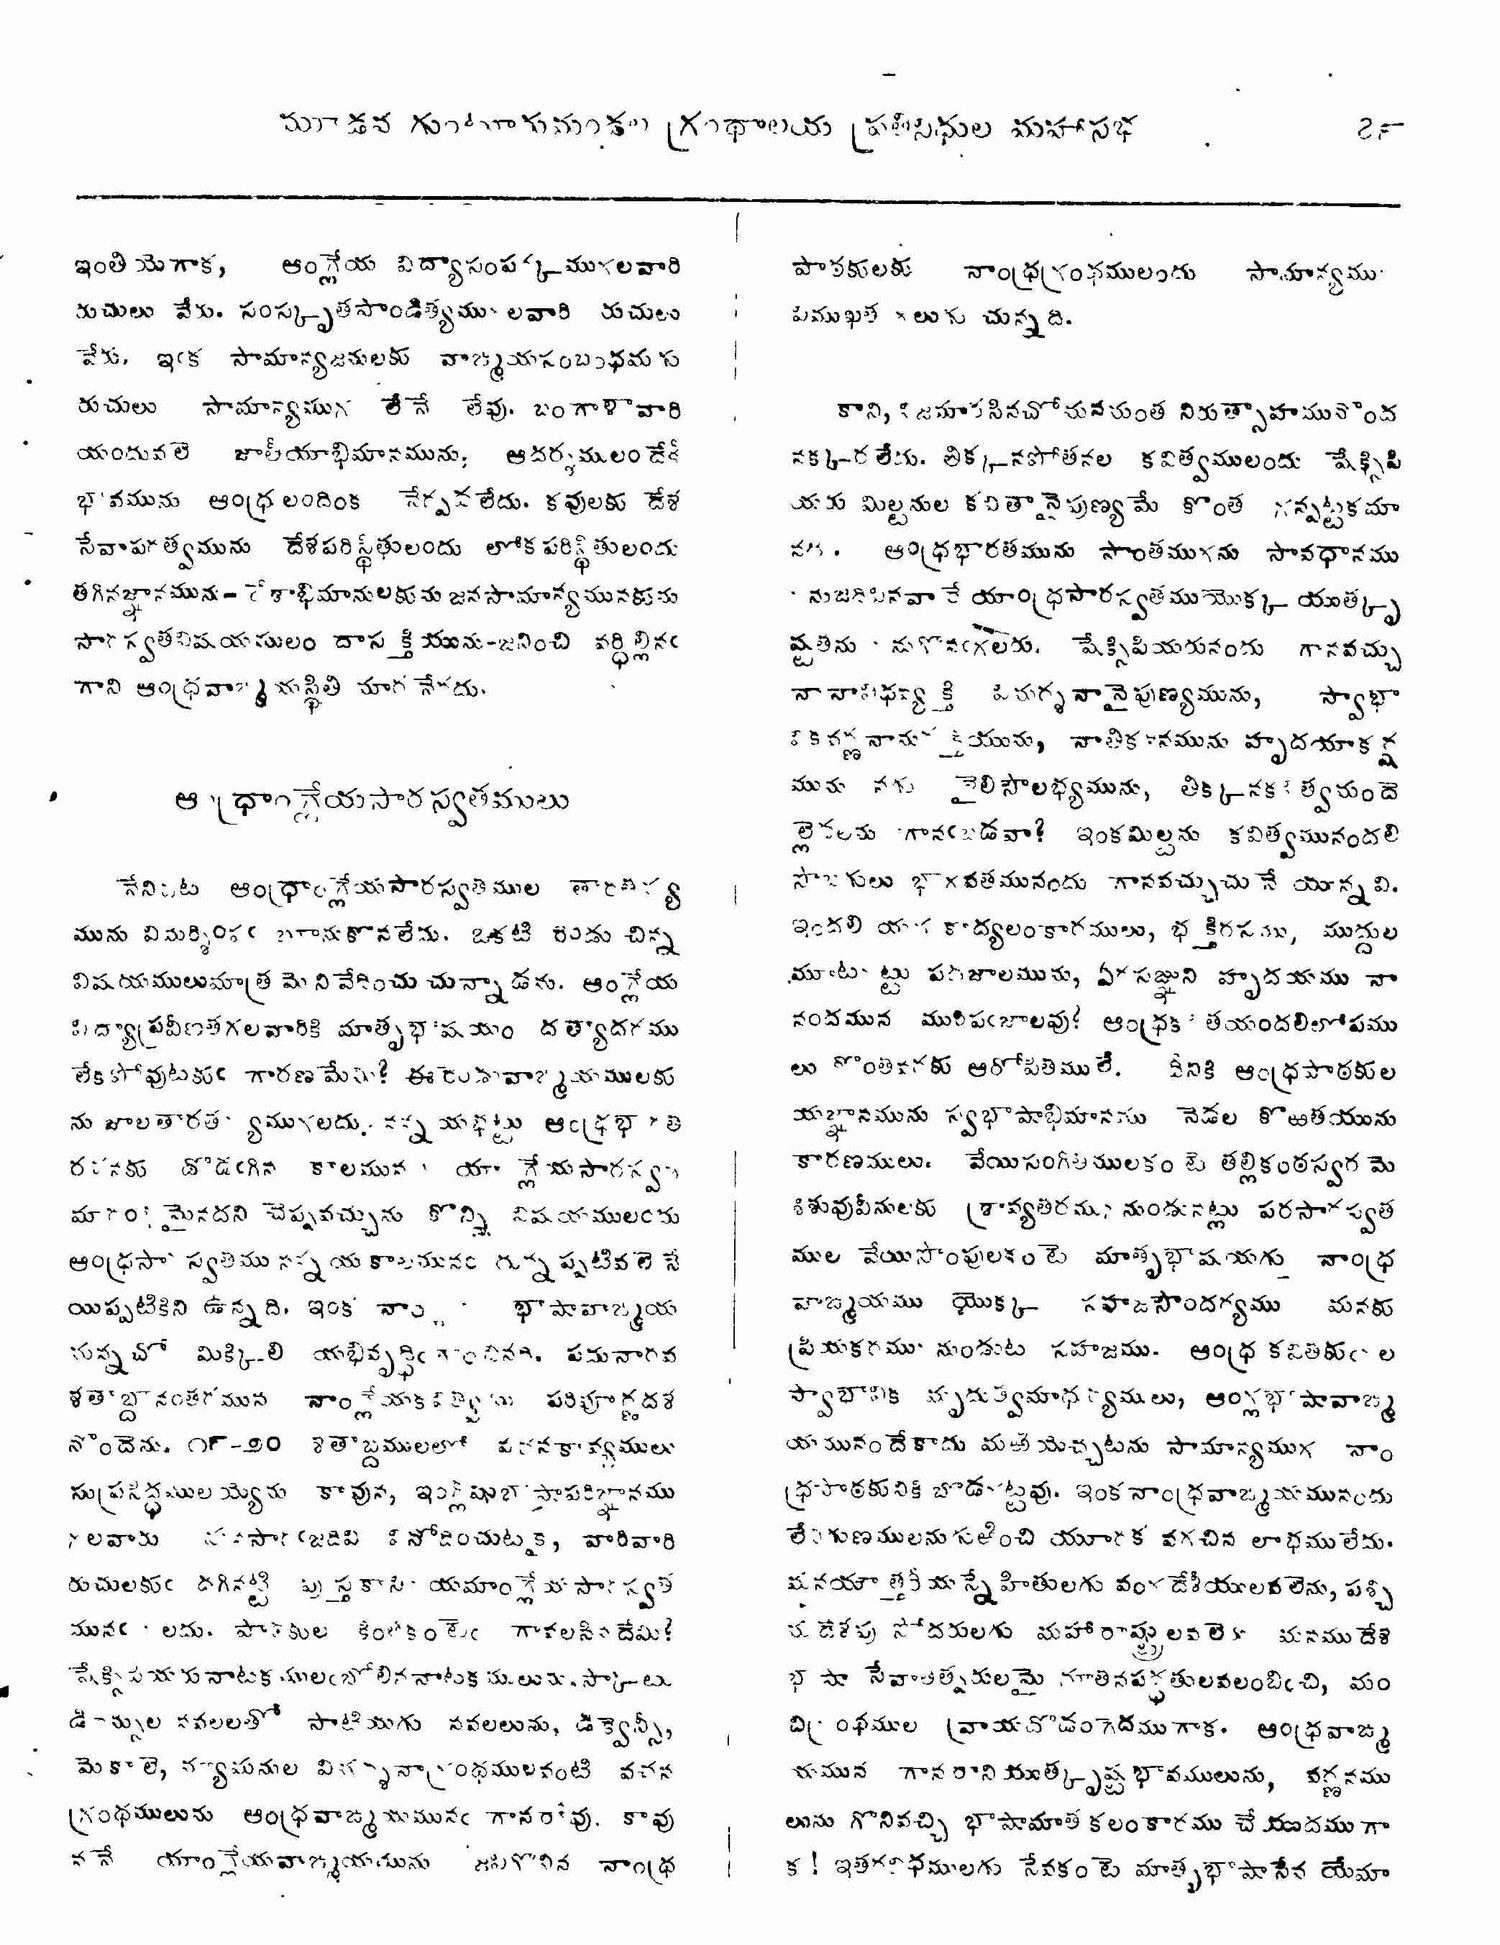ఇంతి యె గాక, ఆంగ్లేయ విద్యాసంపర్కముగలవారి రుచులు వేరు. సంస్కృతసాండిత్యములవారి రుచులు వేరు. ఇక సామాన్యజనులకు వాఙ్మయసంబంధమగు రుచులు సామాన్యమున లేనే లేవు. బంగాళా వారి యందువలె జాతీయాభిమానమును, ఆదర్శములందేశీభావమును ఆంధ్రలందింక నేర్పడలేదు. కవులకు దేశసేవాపత్వమును దేశపరిస్థితులందు లోకపరిస్థితులందు
తగినజ్ఞానమును - దేశాభిమానులకును జనసామాన్యమునకును సారస్వతవిషయములం దాసక్తి యునుజనించి వర్ధిల్లినఁ గాని 
ఆంధ్రవాఞ్మయస్థితి మారనేరదు.

నేనిట ఆంధ్రాంగ్లేయసారస్వతముల తారతమ్యమును విమర్శింపక బూనుకొనలేదు. ఒకటి రెండు చిన్న విషయములుమాత్రమె నివేశించుచున్నాడను. ఆంగ్లేయ విద్యాప్రవీణతగలవారికి మాతృభాషయం దత్యాదరము లేకపోవుటకుఁ గారణమేమి? ఈ రెండు వాఙ్మయములకును జాలతారతమ్యముగలదు. నన్నయభట్టు ఆంధ్రభారతి రచనకు దొడిఁగిన కాలమున యాంగ్లేయసారస్వత
మార౦భమైనదని చెప్పవచ్చును. కొన్ని విషయములందు ఆంధ్రసారస్వతము సన్నయ కాలమున౦దున్నన్నప్పటివలెనే
యిప్పటికిని ఉన్నది. ఇంక నా భాషావాఙ్మయ మన్నచో మిక్కిలి యభివృద్ధిఁ గాంచినది. పదునారవ శతాబ్దానంతరమున నాంగ్లేయకవిత్వము పరిపూర్ణదశనొందెను. ౧౯-౨౦ శతాబ్దములలో వచనకావ్యములు సుప్రసిద్ధములయ్యెను. కావున, ఇంగ్లీషు భాషాపరిజ్ఞానము గలవారు మనసారా జదివి వినోదించుటకై, వారివారి రుచులకుఁ దగినట్టి పుస్తకానిలయమాంగ్లయ సారస్వతమునఁ 
గలదు. పాఠకుల కంత కంటెఁ గావలసినదేమి? షేక్స్పియరు నాటకముబోలిన నాటకములను, స్కాటుడికెన్సుల నవలలతో సాటియగు నవలలును, డిక్వెన్సీ, మెకాలె, న్యూమనుల విమర్శనా విశ్శానాగ్రంథములవంటి వచన గ్రంథములును ఆంధ్రవాఙ్మయమునఁ గానరావు. కావునే యాంగ్లేయవాఙ్మయమును జనగోలిన నాంధ్ర పాఠకులకు నాంధ్ర గ్రంథములందు
సామాన్యము విముఖత కలుగు చున్నది.

కాని, నిజామారసినచో మనమంత నిరుత్సాహమునొ౦దనక్కరలేదు. తిక్కనపోతనల కవిత్వములందు షేక్స్పియరు మిల్టనుల కవితా నైపుణ్యమే కొంత గన్పట్టకమానది. ఆంధ్రభారతమును సొంతముగను సావధానమును జదివినవారే యాంధ్రసారస్వతము యొక్క యుత్కృష్టతను కనుకొనగలరు. షేక్సిపియరునందు గానవచ్చు నానావిధవ్యక్తి విమర్శనైపుణ్యమును, స్వాభావికవర్ణనానురక్తియును, నాతికఠినమును హృదయాకర్షమునునగు శైలి సౌలభ్యమును, తిక్కనకత్వమందెల్లెదలను గానబడవా? ఇంకమిల్టన్ కవిత్వమునందలి సొబగులు భాగవతమునందు గానవచ్చుచునే యున్నవి. ఇందలి యశకాద్యలంకారములు, భక్తిరసము, ముద్దుల మూటనట్టు పదజాలమును, ఏ రసజ్ఞుని హృదయము నానందమున మురిపఁజాలవు ! ఆంధ్రకవి తయందలిలోపములు కొ౦తవరకు ఆరోపతిములే. దీనికి ఆంధ్రపాఠకుల యజ్ఞానమును స్వభాషాభిమానము నెడల కొఱతయును కారణములు. వేయి సంగీతములకంటే తల్లికంఠస్వరమె శిశువువీనులకు శ్రావ్యతీరము నుండునట్లు పరసారస్వతముల వేయిసొంపులకంటే మాతృభాష యగు నాంధ్రవాఙ్మయము యొక్క సహజ సౌందర్యము ప్రియకరము నుండుట సహజము. ఆంధ్రస్వాభావిక మృదుత్వమాధ్యములు, ఆంగ్ల భాషావాఙ్మయమునందేకాదు మఱియెచ్చటను సామాన్యముగ నాంధ్రపాఠకునికి బొడబట్టవు. ఇంక నాంధ్రవాఙ్మయమునందు లేని గుణములను గుఱించి యూరక వగచిన లాధములేదు. మనయుత్తరియ స్నేహితులగు వంగదేశీయులవలెను, పశ్చిమదేశపు సోదరులగు మహారాష్ట్రులవలెను. మనము దేశభాషా సేవాతత్నరులమై నూతన పద్ధతులవలంబించి, మంచిగ్రంథముల వ్రాయగొడంగెదము గాక. ఆంధ్రవాఙ్మయమున గాన రాని యత్కృష్ట భావములును, వర్ణనములుసు గొనివచ్చి భాషామాతకలంకారము చేయుదము గాక! ఇతర విధములగు సేవకంటే మాతృభాషాసేవ యేమా